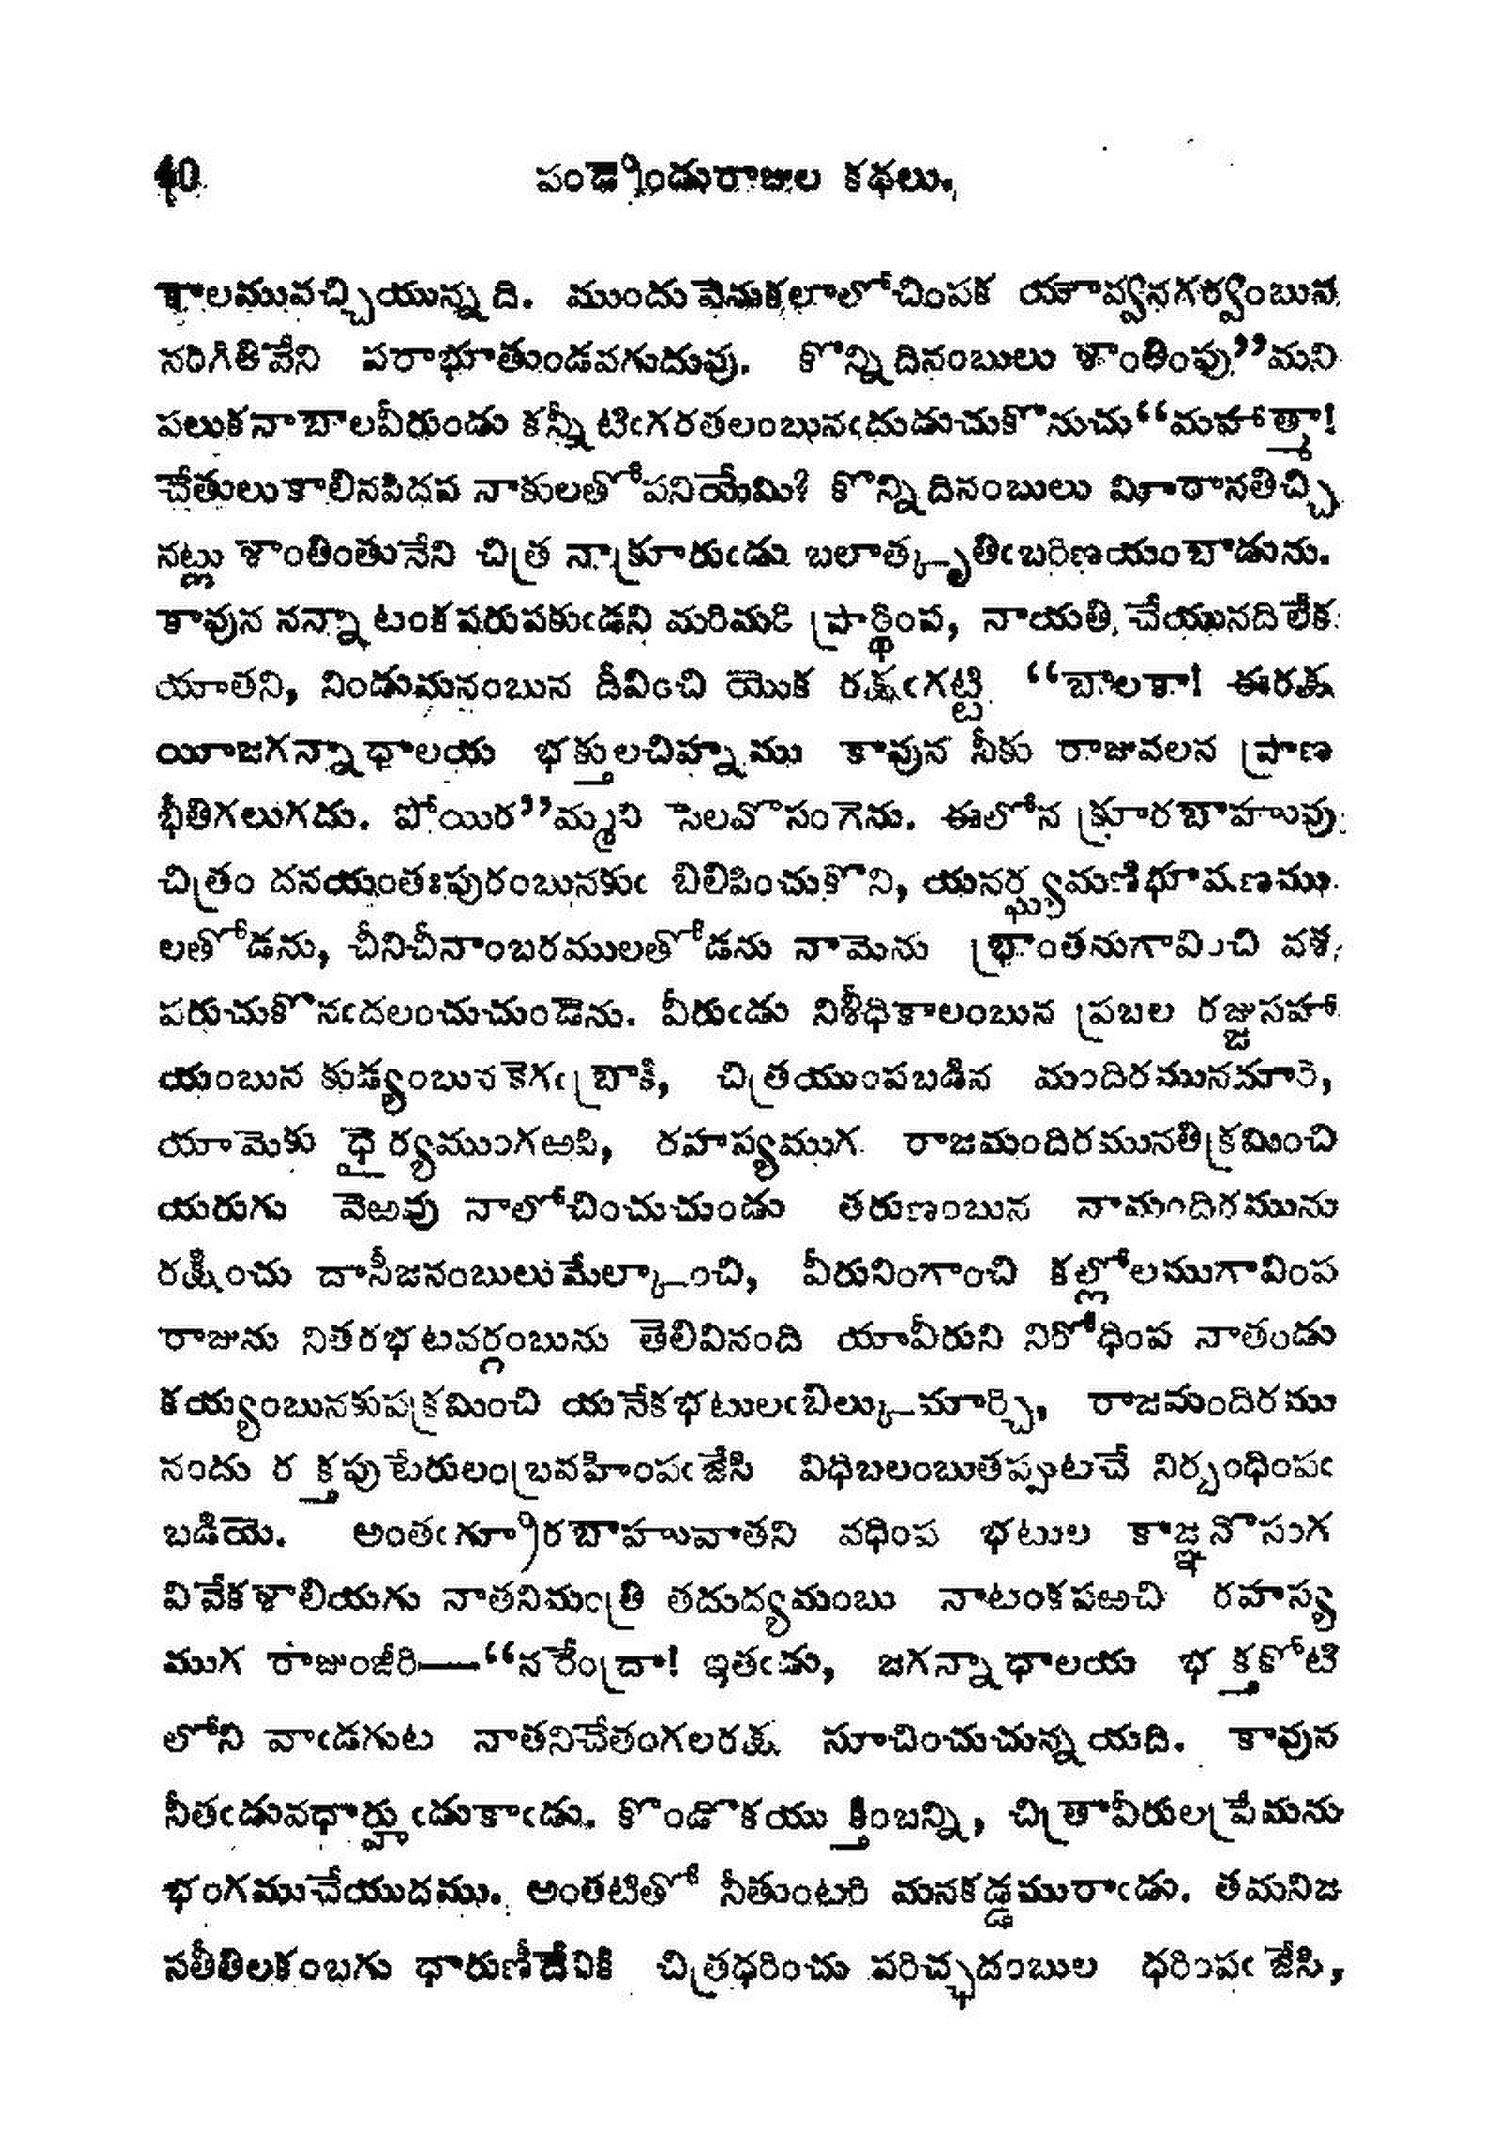కాలమువచ్చియున్నది. ముందు వెనుకలాలోచింపక యౌవ్వనగర్వంబున, నరిగితివేని పరాభూతుండవగుదువు. కొన్ని దినంబులు శాంతింపు ”మని పలుకనాబాలవీరుండు కన్నీటిఁగరతలంబునఁదుడుచుకొనుచు “మహాత్మా! చేతులు కాలిన పిధవ నాకులతో పనియేమి? కొన్ని దినంబులు మీరానతిచ్చి, నట్లు శాంతింతునేని చిత్ర నాక్రూరుఁడు బలాత్కృతిఁ బరిణయం బాడును. కావున నన్నాటంక పరుపకుఁడని మరిమరి ప్రార్థింప, నాయతి, చేయునది లేక యాతని, నిండుమనంబున దీవించి యొక రక్షఁగట్టి, “బాలకా! ఈరక్ష యీజగన్నాధాలయ భక్తులచిహ్నము కావున నీకు రాజువలన ప్రాణభీతిగలుగదు. పోయిర 'మ్మని సెలవొసంగెను. ఈలోన క్రూరబాహువు చిత్రం దనయంతఃపురంబునకుఁ బిలిపించుకొని, యనర్ఘ్యమణి భూషణములతోడను, చీనిచీనాంబరములతోడను నామెను భ్రాంతనుగావించి వశపరుచుకొనఁదలంచుచుండెను. వీరుఁడు నిశీధికాలంబున ప్రబల రజ్జుసహాయంబున కుడ్యంబున కెగఁ బ్రాకి, చిత్రయుంపబడిన మందిరమునదూరి, యామెకు ధైర్యముంగఱపి, రహస్యముగ. రాజమందిరమునతిక్రమించి యరుగు వెఱవు నాలోచించుచుండు తరుణంబున నామందిరమును రక్షించు దాసీజనంబులు మేల్కాంచి, వీరునింగాంచి కల్లోలముగావింప రాజును నితరభటవర్గంబును తెలివినంది యావీరుని నిరోధింప నాతండు కయ్యంబునకుపక్రమించి యనేక భటులఁబిల్కు మార్చి, రాజమందిరము
నందు రక్తపుటేరులం బ్రవహింపఁ జేసి విధిబలంబుతప్పుటచే నిర్బంధింపఁ బడియె. అంతఁగ్రూర బాహువాతని వధింప భటుల కాజ్ఞనొసంగ వివేకశాలియగు నాతనిమంత్రి తదుద్యమంబు నాటంకపఱచి రహస్యముగ రాజుంజీరి——నరేంద్రా! ఇతఁడు, జగన్నాథాలయ భక్తకోటిలోని వాఁడగుట నాతనిచేతంగలరక్ష సూచించుచున్నయది. కావున నీతఁడువధార్హుఁడుకాఁడు. కొండొరయుక్తింబన్ని, చిత్రావీరుల ప్రేమను భంగము చేయుదము. అంతటితో నీతుంటరి మనకడ్డమురాఁడు. తమనిజ
సతీతిలకంబగు ధారుణీ దేవికి చిత్రధరించు పరిచ్ఛదంబుల ధరింపఁజేసి,